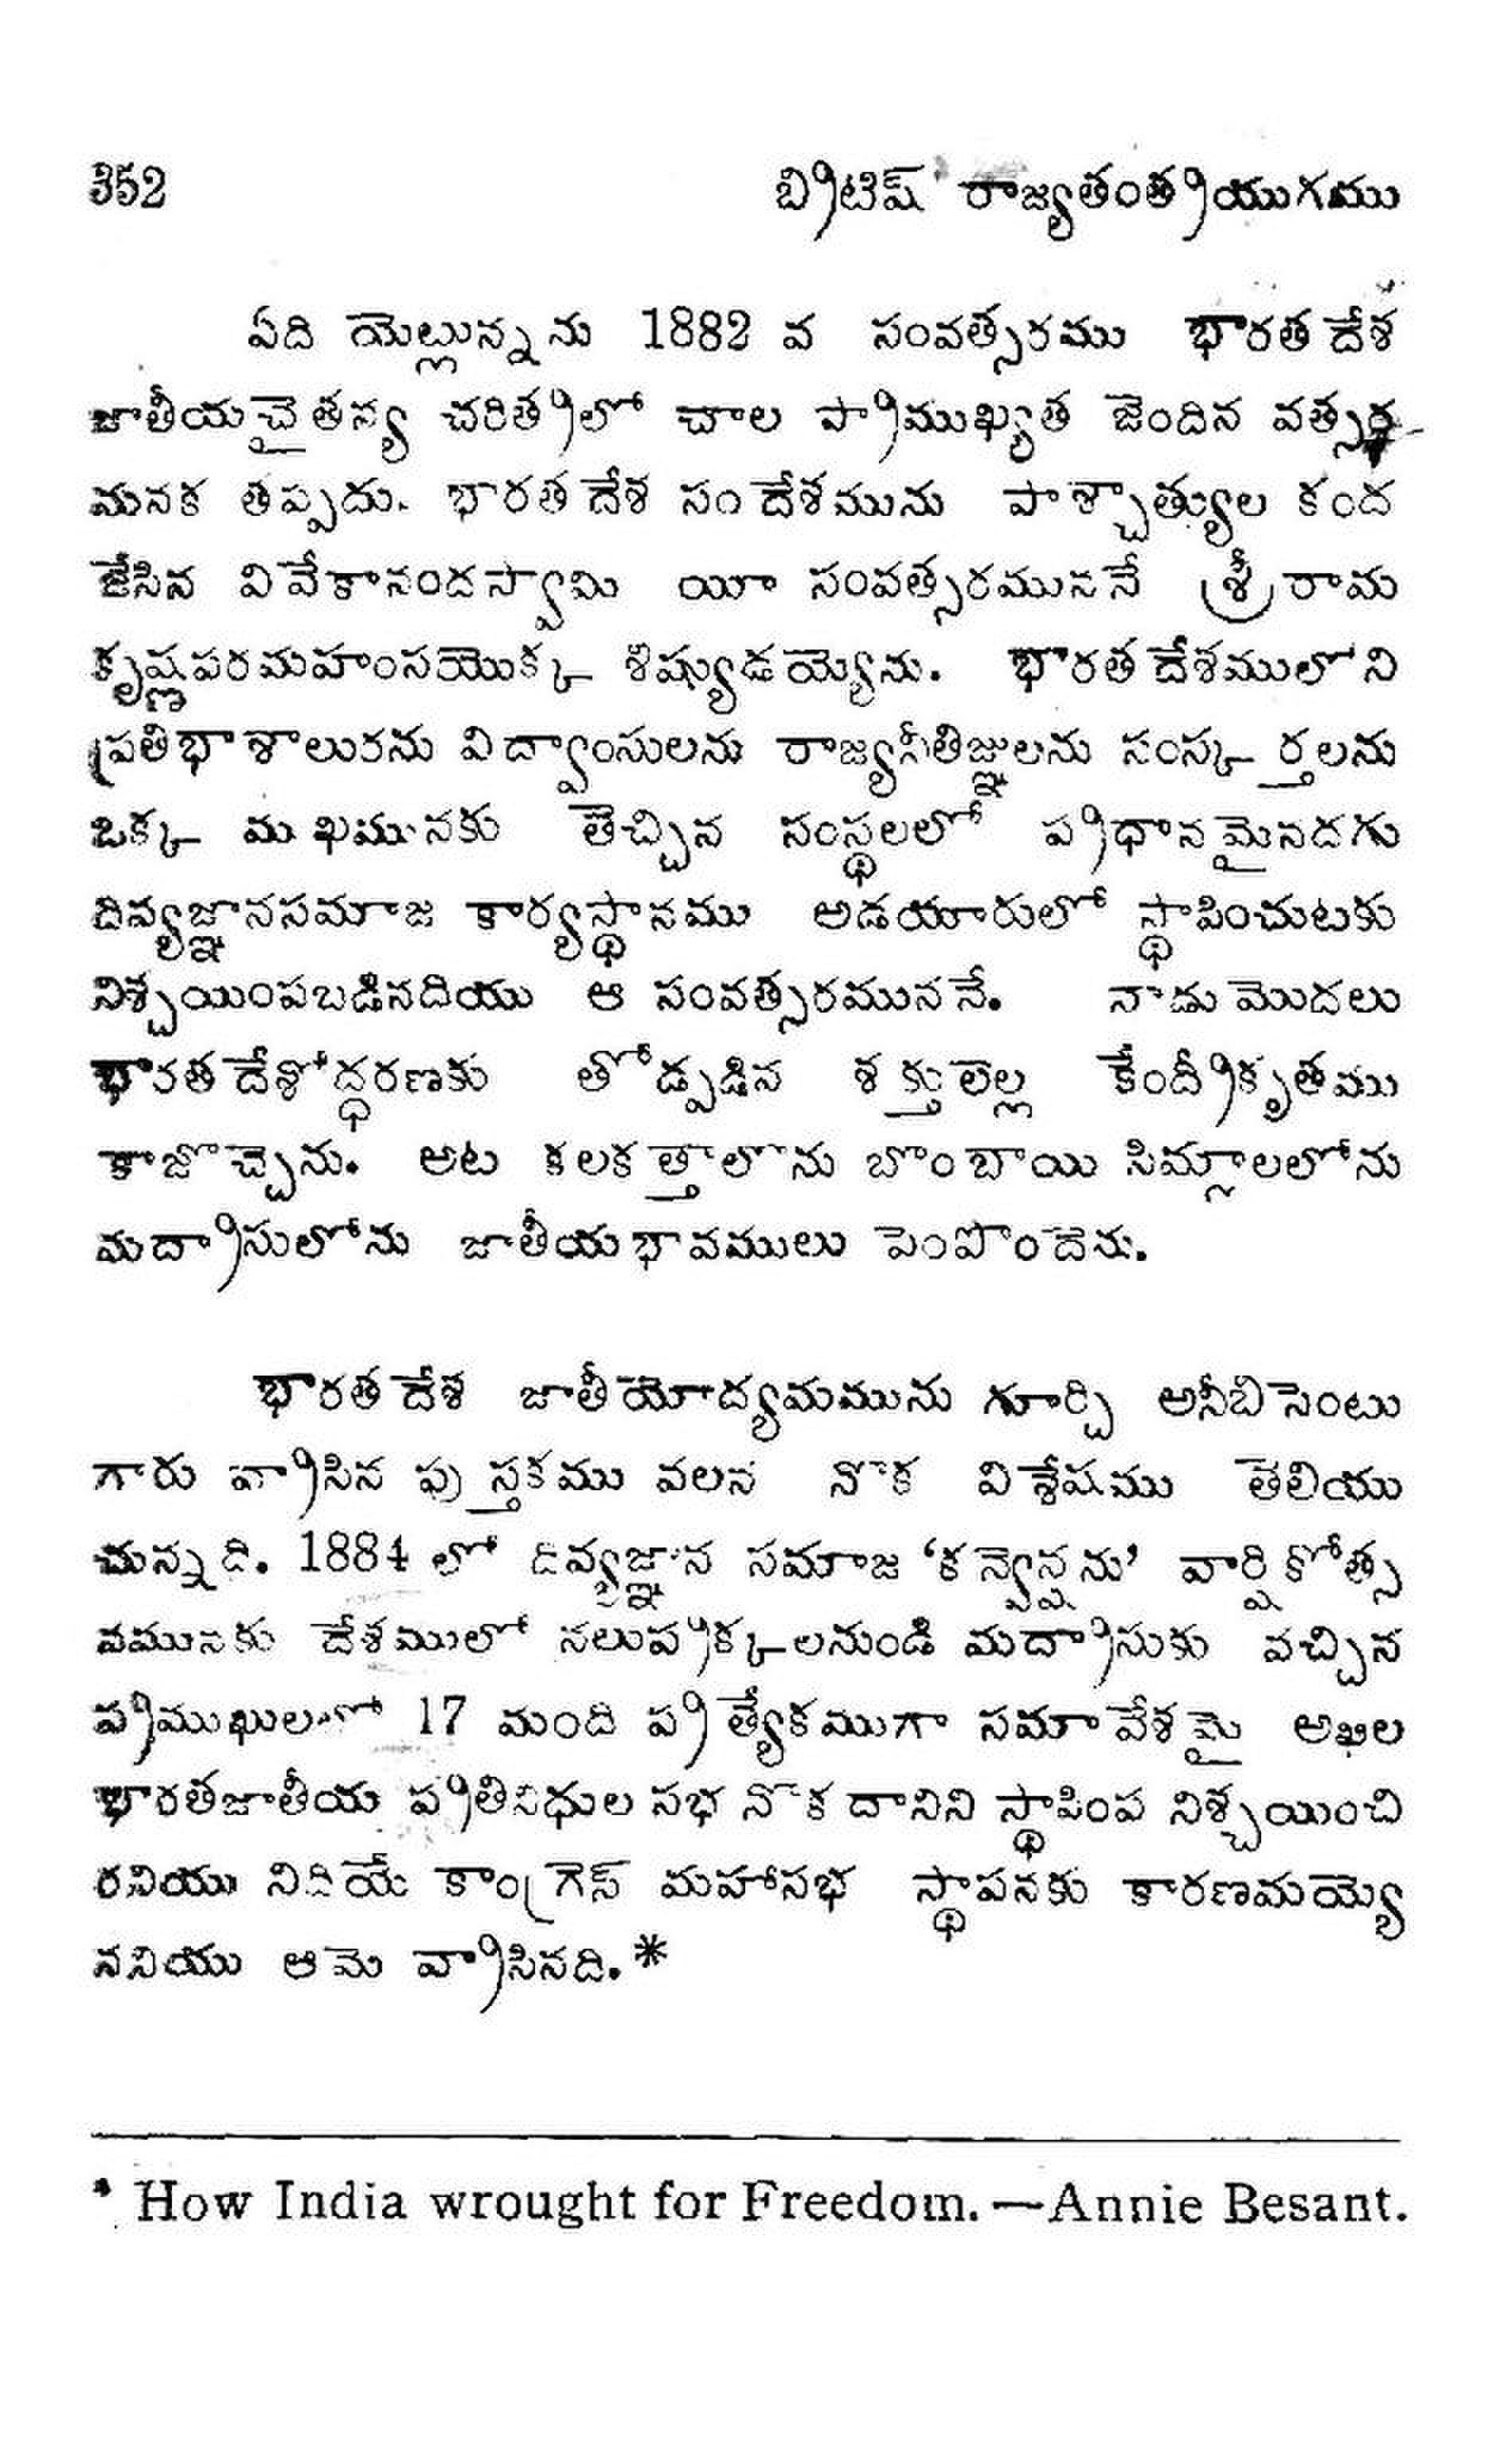ఏది యెట్లున్నను 1882 వ సంవత్సరము భారతదేశ జాతీయచైతన్య చరిత్రలో చాల ప్రాముఖ్యత జెందిన వత్సరమనక తప్పదు. భారతదేశ సందేశమును పాశ్చాత్యుల కందజేసిన వివేకానందస్వామి యీ సంవత్సరముననే శ్రీరామకృష్ణ పరమహంసయొక్క శిష్యుడయ్యెను. భారతదేశములోని ప్రతిభాశాలురను విద్వాంసులను రాజ్యనీతిజ్ఞులను సంస్కర్తలను ఒక్క ముఖమునకు తెచ్చిన సంస్థలలో ప్రధానమైనదగు దివ్యజ్ఞానసమాజ కార్యస్థానము అడయారులో స్థాపించుటకు నిశ్చయింపబడినదియు ఆ సంవత్సరముననే. నాడుమొదలు భారతదేశోద్ధరణకు తోడ్పడిన శక్తులెల్ల కేంద్రీకృతము కాజొచ్చెను. అట కలకత్తాలోను బొంబాయి సిమ్లాలలోను మద్రాసులోను జాతీయభావములు పెంపొందెను
.
భారతదేశ జాతీయోద్యమమును గూర్చి అనీబిసెంటుగారు వ్రాసిన పుస్తకము వలన నొక విశేషము తెలియుచున్నది. 1884 లో దివ్యజ్ఞాన సమాజ 'కన్వెన్షను' వార్షికోత్సవమునకు దేశములో నలుప్రక్కలనుండి మద్రాసుకు వచ్చిన ప్రముఖులలో 17 మంది ప్రత్యేకముగా సమావేశమై అఖలభారతజాతీయ ప్రతినిధుల సభ నొక దానిని స్థాపింప నిశ్చయించిరనియు నిదియే కాంగ్రెస్ మహాసభ స్థాపనకు కారణమయ్యె ననియు ఆమె వ్రాసినది.